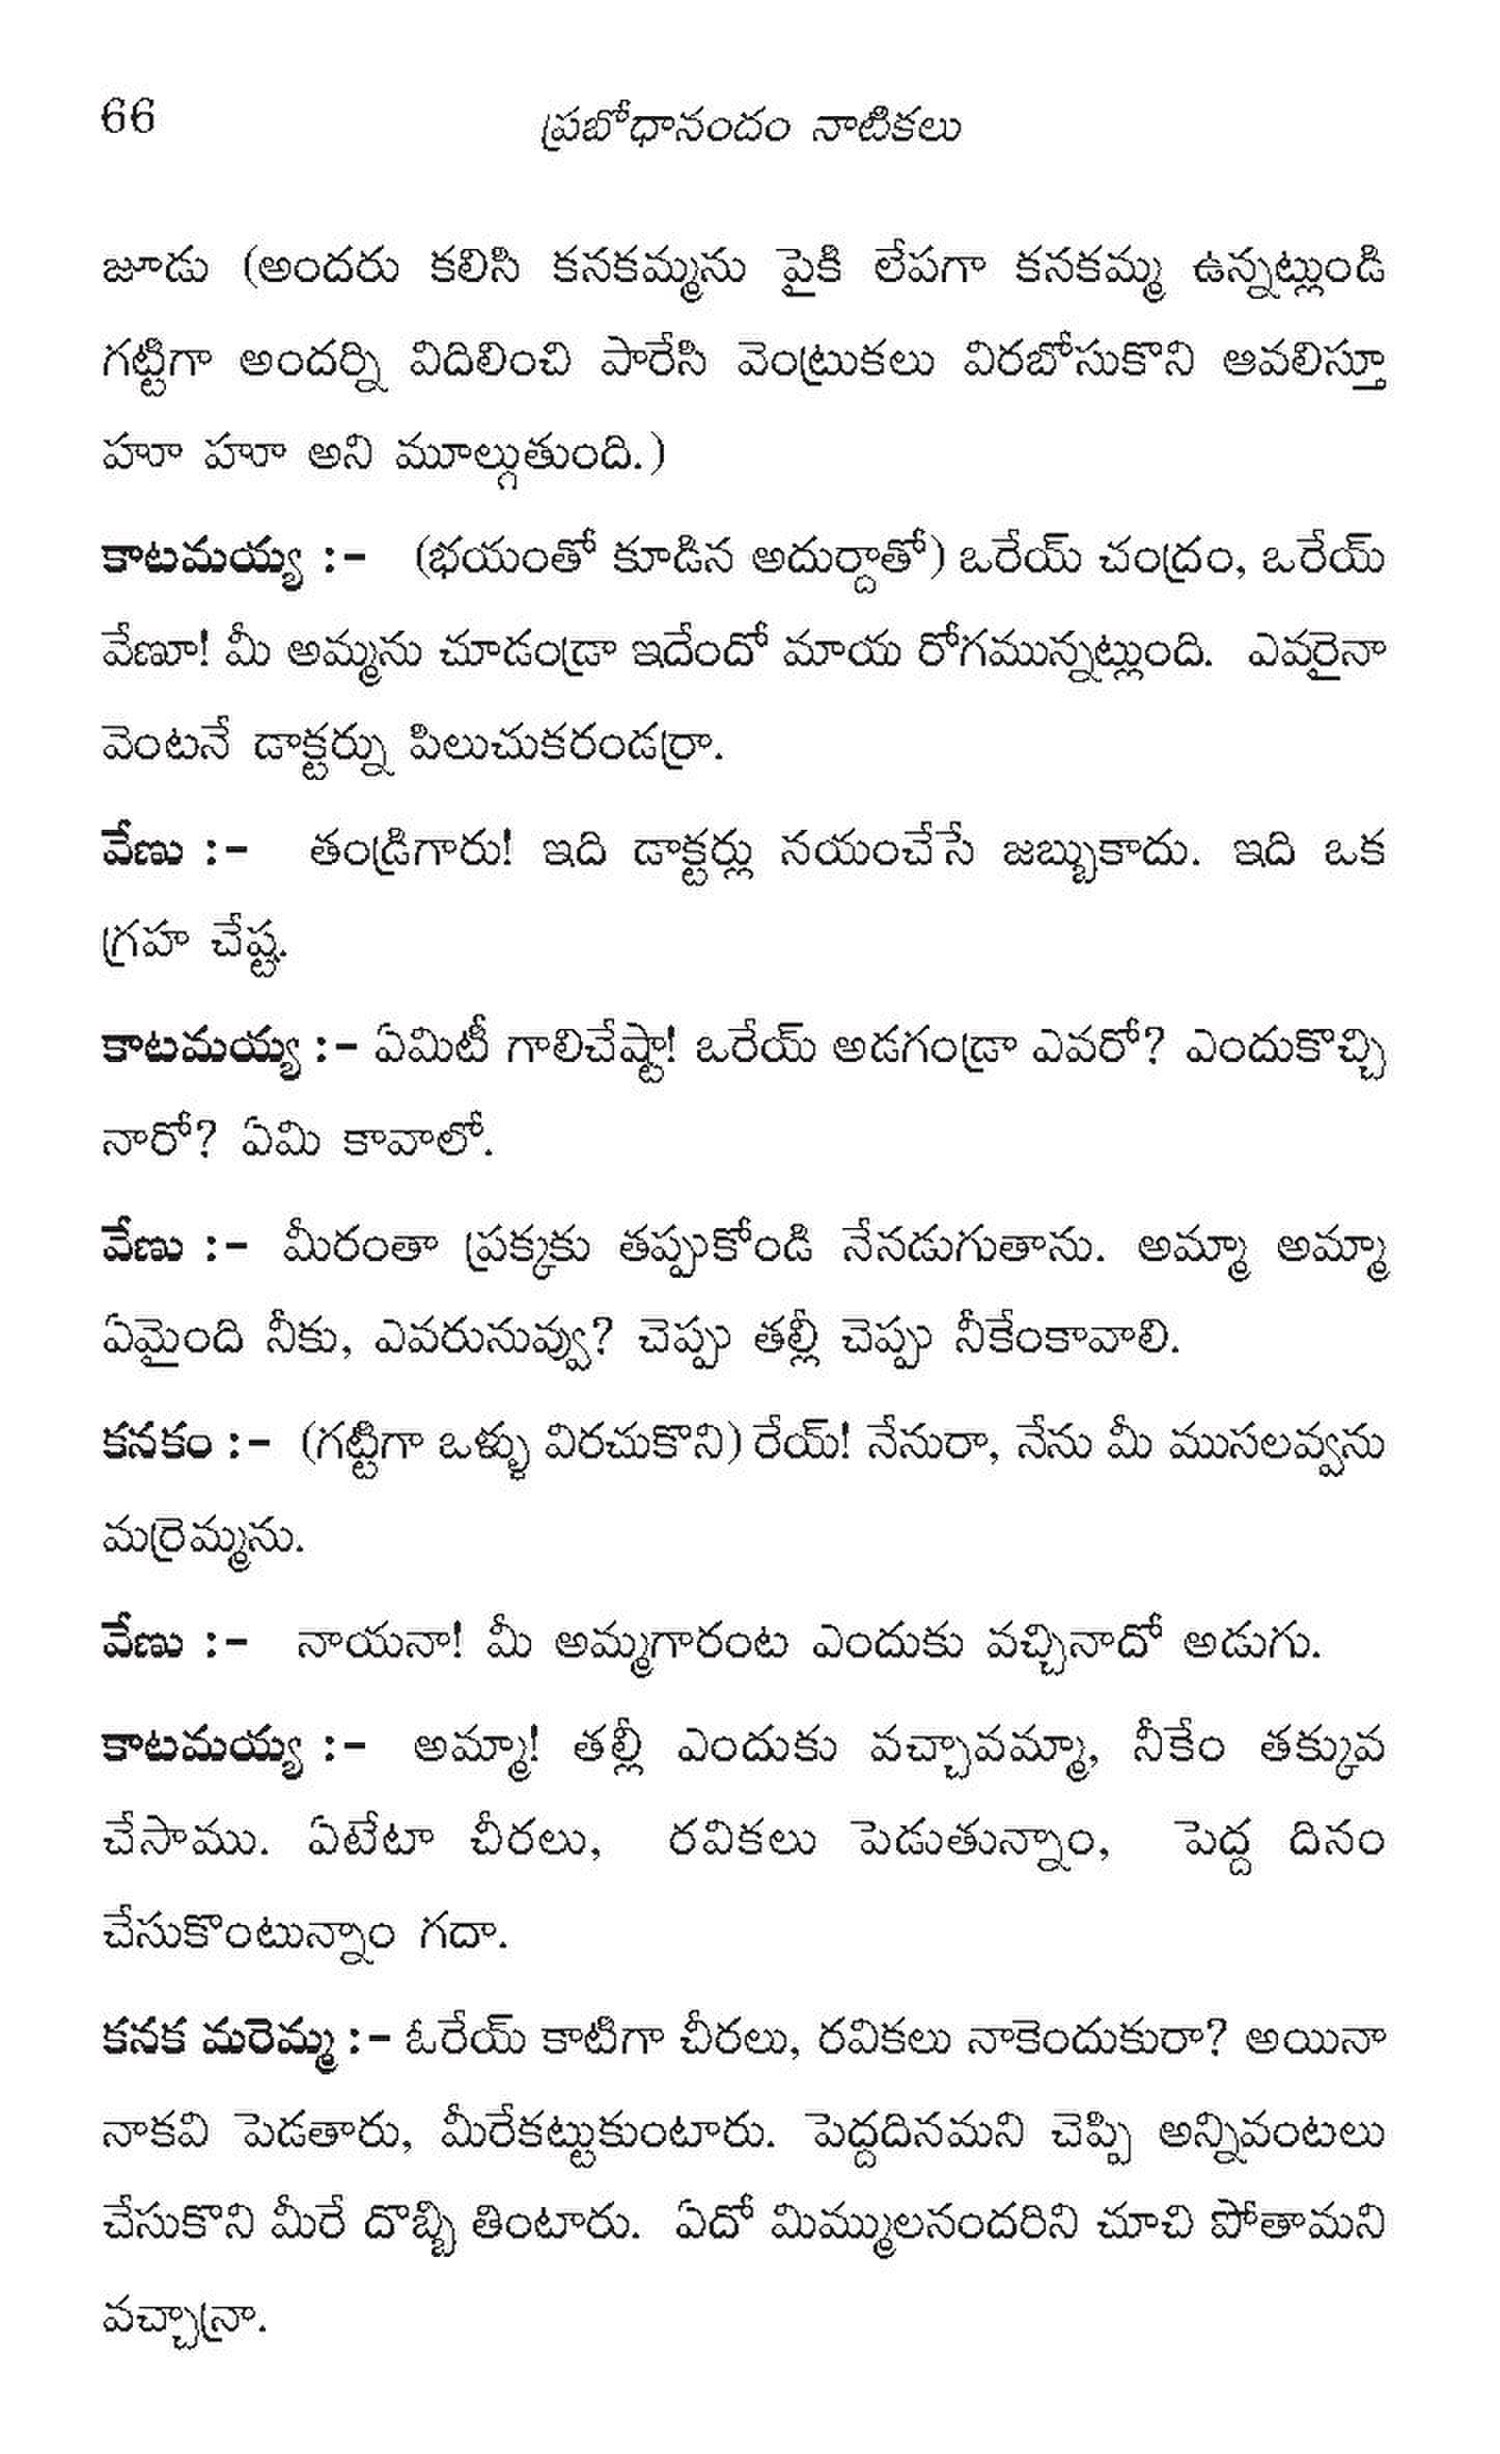జూడు (అందరు కలిసి కనకమ్మను పైకి లేపగా కనకమ్మ ఉన్నట్లుండి గట్టిగా అందర్ని విదిలించి పారేసి వెంట్రుకలు విరబోసుకొని ఆవలిస్తూ హూ హూ అని మూల్గుతుంది.)

కాటమయ్య :-(భయంతో కూడిన అదుర్దాతో) ఒరేయ్‌ చంద్రం, ఒరేయ్‌ వేణూ! మీ అమ్మను చూడండ్రా ఇదేందో మాయ రోగమున్నట్లుంది. ఎవరైనా వెంటనే డాక్టర్ను పిలుచుకరండర్రా.

వేణు :- తండ్రిగారు! ఇది డాక్టర్లు నయంచేసే జబ్బుకాదు. ఇది ఒక గ్రహ చేష్ట.

కాటమయ్య :- ఏమిటీ గాలిచేష్టా! ఒరేయ్‌ అడగండ్రా ఎవరో? ఎందుకొచ్చి నారో? ఏమి కావాలో.

వేణు :- మీరంతా ప్రక్కకు తప్పుకోండి నేనడుగుతాను. అమ్మా అమ్మా ఏమైంది నీకు, ఎవరునువ్వు? చెప్పు తల్లీ చెప్పు నీకేంకావాలి.

కనకం :- (గట్టిగా ఒళ్ళు విరచుకొని) రేయ్‌! నేనురా, నేను మీ ముసలవ్వను మర్రెమ్మను.

వేణు :- నాయనా! మీ అమ్మగారంట ఎందుకు వచ్చినాదో అడుగు.

కాటమయ్య :- అమ్మా! తల్లీ ఎందుకు వచ్చావమ్మా, నీకేం తక్కువ చేసాము. ఏటేటా చీరలు, రవికలు పెడుతున్నాం, పెద్ద దినం చేసుకొంటున్నాం గదా. 

కనక మరెమ్మ :- ఓరేయ్‌ కాటిగా చీరలు, రవికలు నాకెందుకురా? అయినా నాకవి పెడతారు, మీరేకట్టుకుంటారు. పెద్దదినమని చెప్పి అన్నివంటలు చేసుకొని మీరే దొబ్బి తింటారు. ఏదో మిమ్ములనందరిని చూచి పోతామని వచ్చాన్రా.